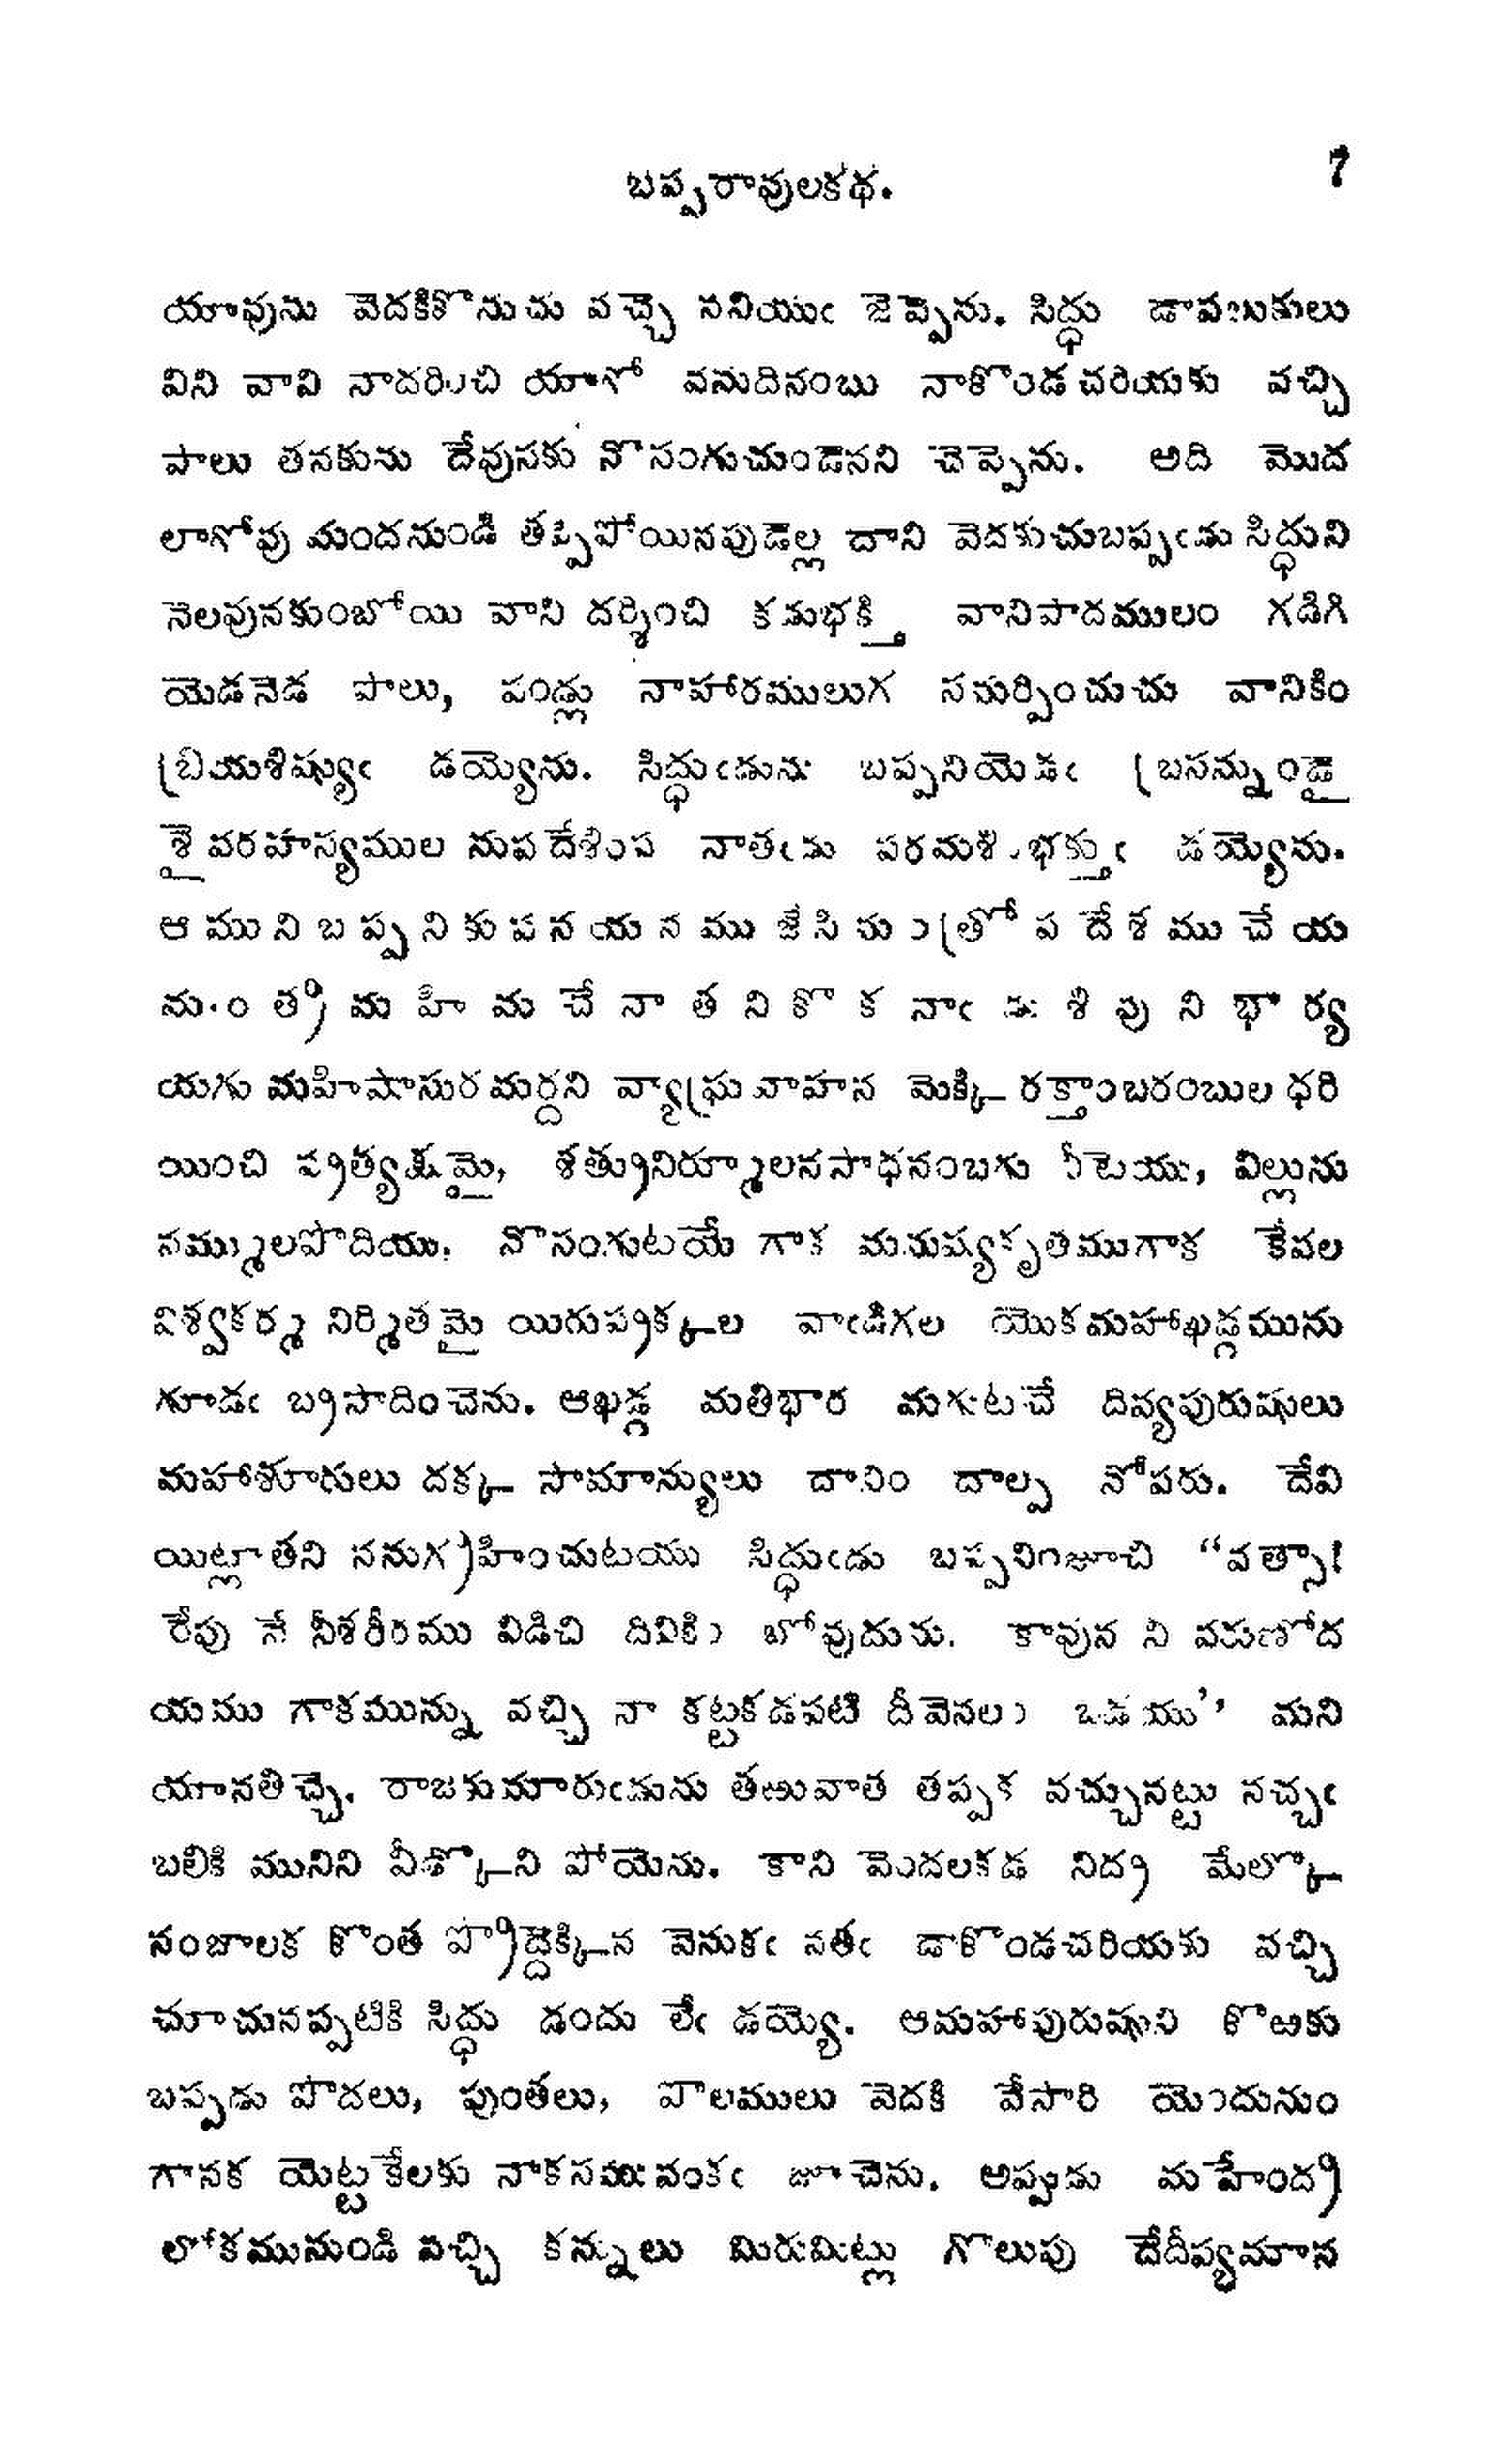యావును వెదకికోనుచు వచ్చె ననియుఁ జెప్పెను. సిద్ధు డాపలుకులు విని వాని సాదరించి యాగో వనుదినంబు నాకొండ చరియకు వచ్చి పాలు తనకును దేవుసకు నొసంగుచుండెనని చెప్పెను. అది మెదలాగోవు మంద నుండి తప్పిపోయిన పుడెల్ల దాని వెదకుచు బప్పఁడు సిద్ధుని నెలవునకుంబోయి వాసి దర్శించి కడుభక్తి వాని పాదములం గడిగియెడ నెడ పాలు, 
పండ్లు నాహారములుగ సమర్పించుచు వానికిం బ్రియశిష్యుఁ డయ్యెను. సిద్ధుఁడును బప్పనియెడఁ బ్రసన్నుండై శైవరహస్యముల నుప దేశింప నాత్మను పరమశి భక్తుఁ డయ్యెను. ఆ ముని బప్పనికు పనయనము జేసి మంత్రోప దేశము చేయ మంత్ర మహిమ చే నాతనికొక నాడు ఈ శివుని భార్య యగు మహిషాసుర మర్దని వ్యాఘ్ర వాహన మెక్కి రక్తాంబరంబుల ధరియించి ప్రత్యక్షమై, శత్రునిర్మూలన సాధనంబగు వీటెయు, విల్లును నమ్ములపొదియు, నొసంగుటయే గాక మనుష్యకృతముగాక కేవల విశ్వకర్మ నిర్మితమై యిరుపక్కల వాఁడిగల యొక మహాఖడ్గమును గూడఁ బ్రసాదించెను. ఆఖడ్గ మతిభార మగుటచే దివ్యపురుషులు మహాశూరులు దక్క సామాన్యులు దానిం దాల్ప నోపరు. దేవి యిట్లాతని ననుగ్ర హించుటయు సిద్ధుఁడు బప్పనింజూచి “వత్సా! రేపు నీశరీరము విడిచి దివికిం బోవుదును. కావున నీ వరుణోదయము గాక మున్ను వచ్చి నా కట్టకడపటి దీవెనలం బడయు ' మని యానతిచ్చె రాజకుమారుఁడును తఱువాత తప్పక వచ్చునట్టు నచ్చఁ బలికి మునిని వీడ్కొని పోయేను. కాని పెందలకడ నిద్ర మేల్కొనంజాలక కొంత ప్రొద్దెక్కిన వెనుకఁ నతఁ డాకోండచరియకు వచ్చి చూచునప్పటికి సిద్ధుడందు లేఁ డయ్యె. ఆమహా పురుషుని కోఱకు బప్పడు పొదలు, పుంతలు, పొలములు వెదకి వేసారి యెందునుం గానక యెట్ట కేలకు నాకసము వంకఁ జూచెను. అప్పుడు మహేంద్ర లోకమునుండి వచ్చి కన్నులు మిరుమిట్లు గొలుపు దేదీప్యమాన